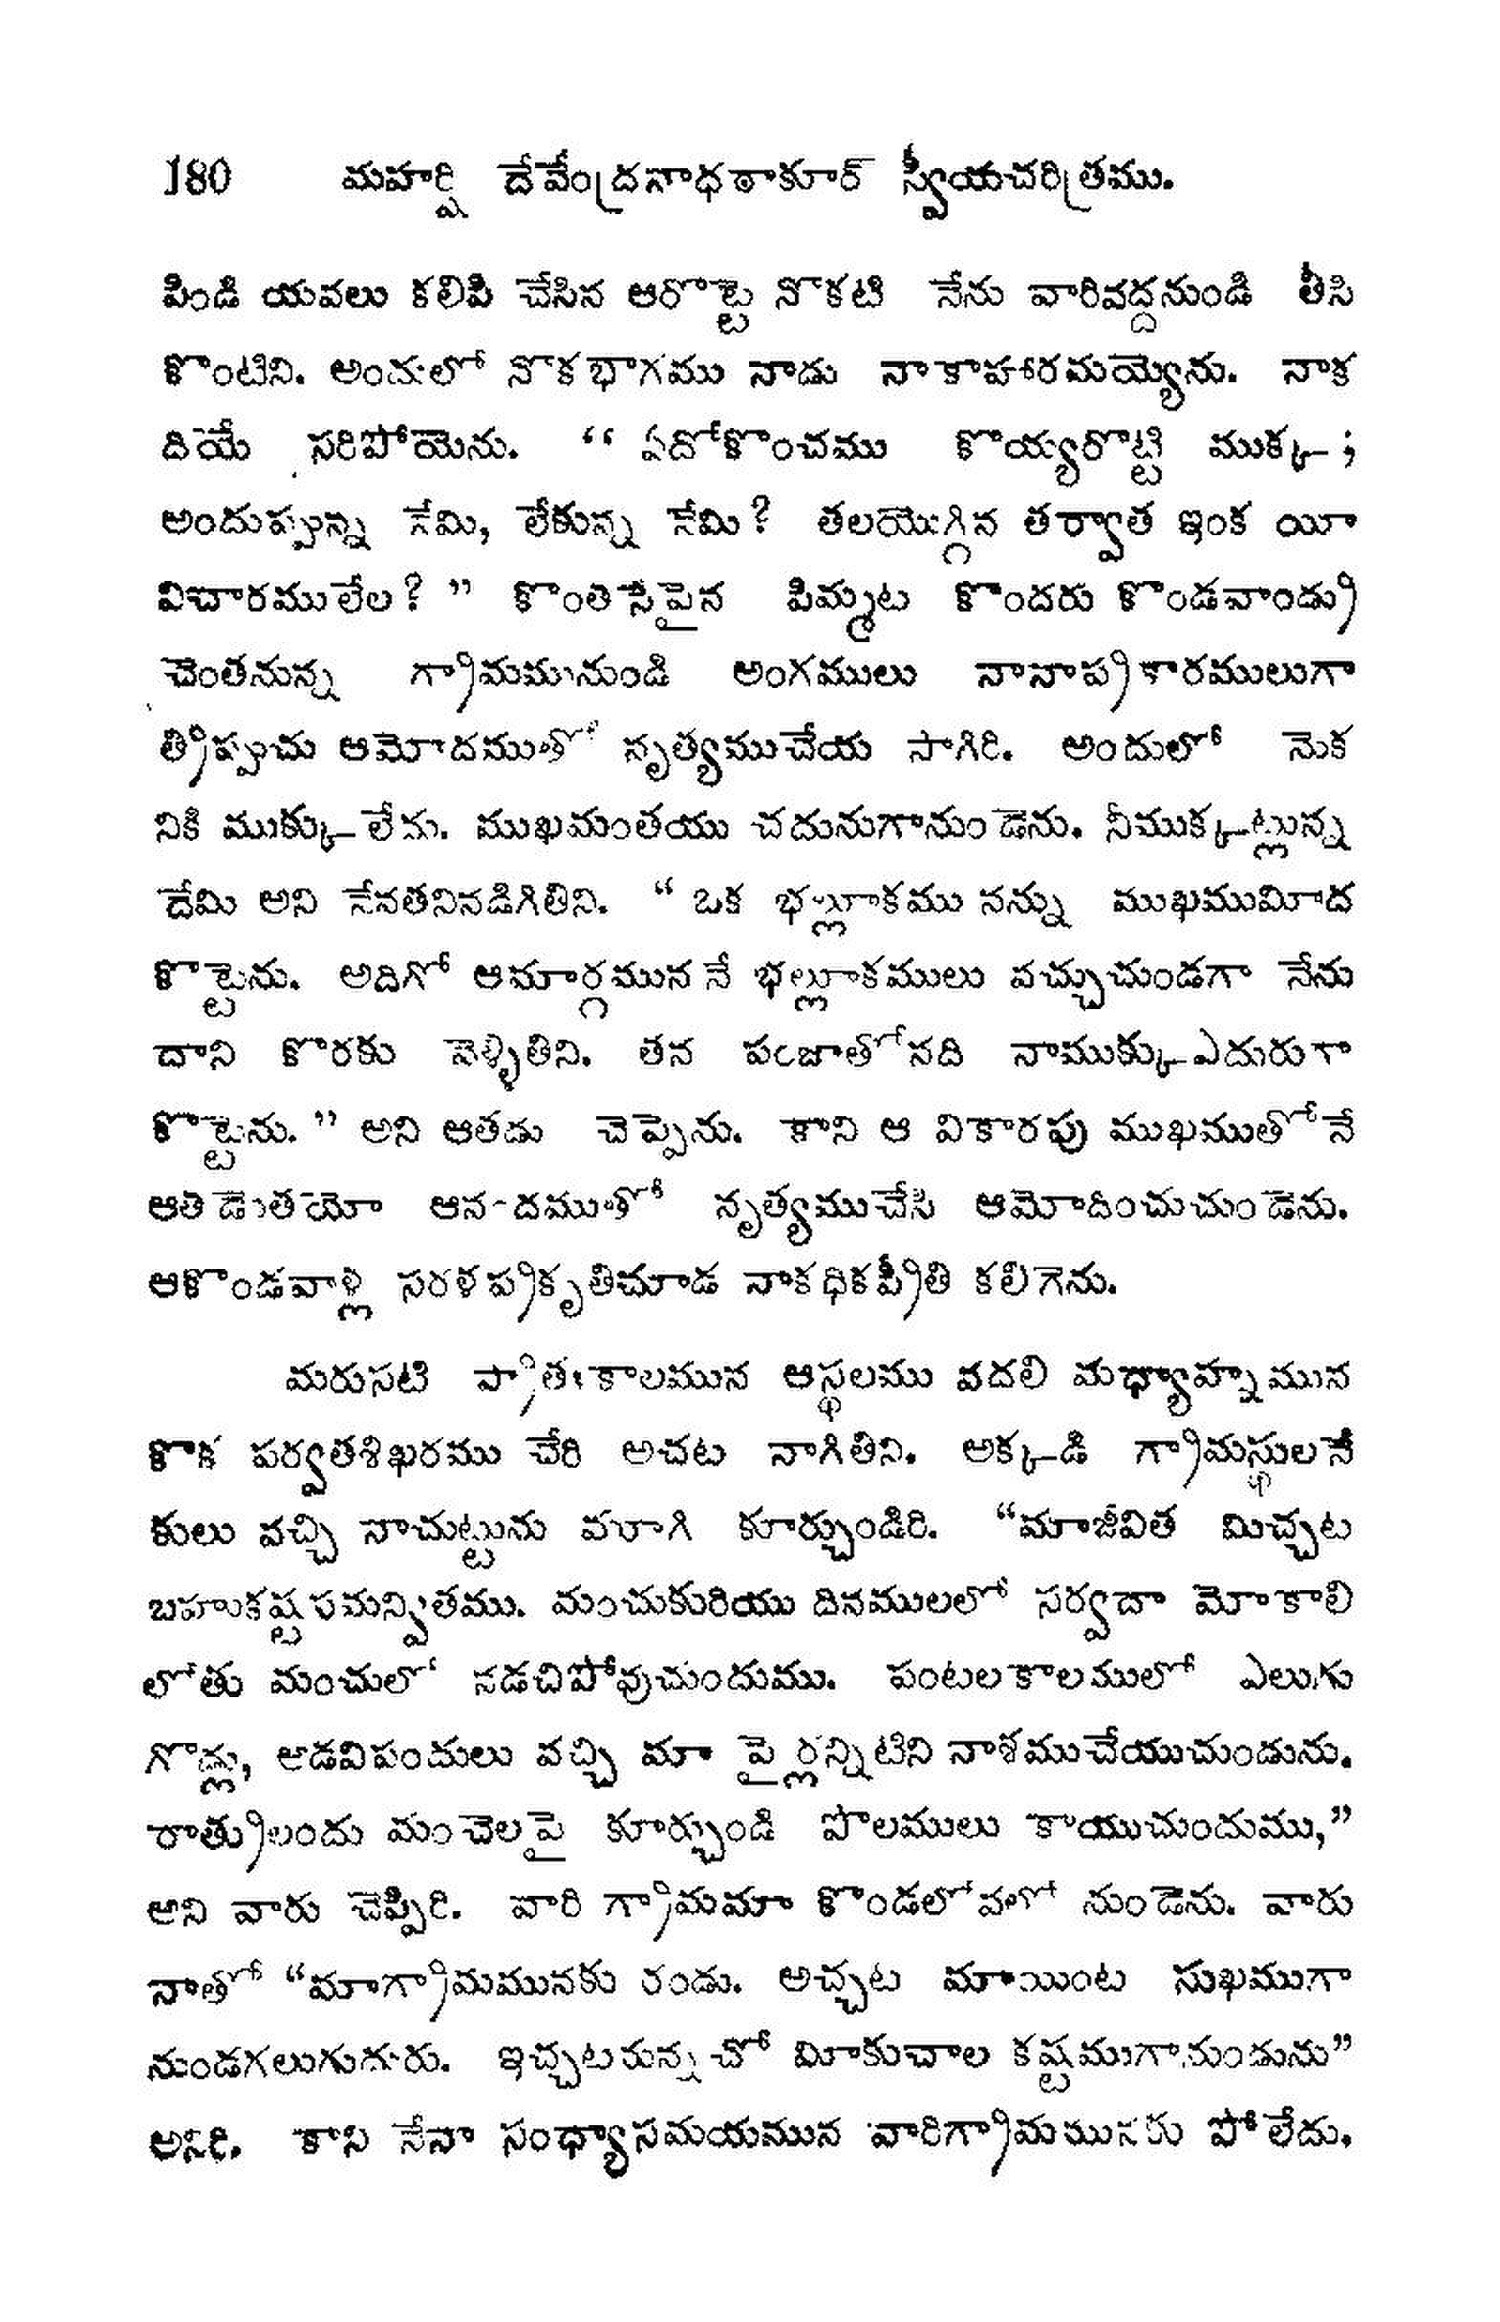పిండి యవలు కలిపి చేసిన ఆరొట్టె నొకటి నేను వారివద్దనుండి
కొంటిని. అందులో నొక భాగము నాడు నాకాహారమయ్యెను. నాక
దియే సరిపోయెను. “ ఏదోకొంచము కొయ్యరొట్టి ముక్క ;
అందుప్పున్న నేమి, లేకున్న నేమి ? తలయెగ్గిన తర్వాత ఇంక 
యీవిచారము లేల? ”కొంత సేపైన పిమ్మట కొందరు కొండవాండ్రు
చెంతనున్న గ్రామము నుండి అంగములు నానా ప్రకారములుగా
త్రిప్పుచు ఆమోదముతో సృత్యము చేయ సాగిరి. అందులో
నొకనికీ ముక్కు లేదు. ముఖమంతయు చదునుగా నుండెను. నీముక్కట్లున్న
దేమి అని నేనతని నడిగితిని. 'ఒక భల్లూకము నన్ను ముఖముమీద
కొట్టెను, అదిగో ఆ మార్గమున నే భల్లూకములు వచ్చుచుండగా నేను 
దాని కొరకు వెళ్ళితిని. తన పంజాతో సది నాముక్కు ఎదురుగా
కొట్టను. " అని ఆతడు చెప్పెను. కాని ఆ వికారపు ముఖముతోనే
ఆతడెంతయో ఆనందముతో నృత్యము చేసి ఆమోదించు చుండెను.
ఆకొండవాళ్లీ సరళ ప్రకృతి చూడ నాకధిక ప్రీతి కలిగెను.

మరుసటి ప్రాతఃకాలమున ఆస్థలము వదలి మధ్యాహ్నంకొక పర్వత శిఖరము 
చేరి అచట నాగితిని, అక్కడి గ్రామస్థులనేకులు వచ్చి నాచుట్టును మూగి కూర్చుండిరి.“మా జీవిత మిచ్చట బహుకష్ట సమన్వితము. మంచుకురియు 
దినములలో సర్వదా మోకాలి లోతు మంచులో నడచిపోవు చుందుము. పంటల కాలములో ఎలుగుగొడ్లు, ఆడవిపందులు వచ్చి మా పైర్లన్నిటిని నాశము చేయుచుండును.రాత్రులందు మంచెలపై కూర్చుండి పొలములు కాయు
చుందుము,”అని వారు చెప్పిరి. వారి గ్రామమా కొండలోవలో నుండెను. వారు
నాతో “మాగ్రామమునకు రండు. అచ్చట మాయింట సుఖముగానుండ
గలుగుగురు. ఇచ్చటనున్నచో మీకు చాల కష్టముగా నుండును”
కానీ నేనా సంధ్యా సమయమున ' వారిగ్రామమునకు పోలేదు,